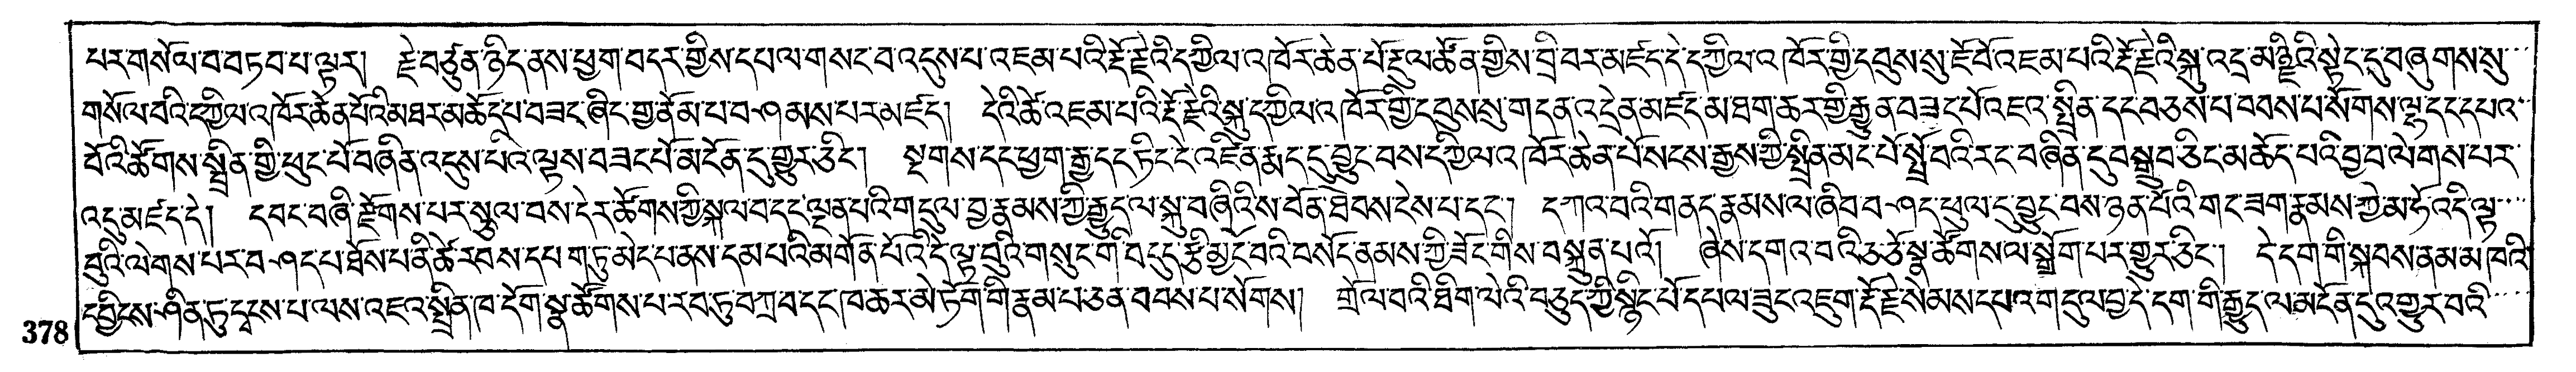བར་གསོལ་བ་བཏབ་པ་ལྟར། རྗེ་བཙུན་ཉིད་ནས་ཕྱག་བ་དར་གྱིས་དཔལ་གསང་བ་འདུས་པ་འཇམ་པའི་རྡོ་རྗེའི་དཀྱིལ་འཁོར་ཆེན་པོ་རྡུལ་ཚོན་གྱིས་བྲི་བར་མཛད་དེ་དཀྱིལ་འཁོར་གྱི་དབུས་སུ་ཇོ་བོ་འཇམ་པའི་རྡོ་རྗེའི་སྐུ་འདྲ་མཉྫིའི་སྟེང་དུ་བཞུགས་སུ་
གསོལ་བའི་དཀྱིལ་འཁོར་ཆེན་པོའི་མཐར་མཆོད་པ་བཟང་ཞིང་གྱ་ནོམ་བ་བཤམས་པར་མཛད། དེའི་ཚེ་འཇམ་པའི་རྡོ་རྗེའི་སྐུ་དཀྱིལ་འཁོར་གྱི་དབུས་སུ་གདན་འདྲེན་མཛད་མ་ཐག་ཆར་གྱི་རྒྱུན་བཟང་པོ་འཇའ་སྤྲིན་དང་བཅས་པ་བབས་པ་སོགས་ལྷ་དང་དཔའ་
པོའི་ཚོགས་སྤྲིན་གྱི་ཕུང་པོ་བཞིན་འདུས་པའི་ལྟས་བཟང་པོ་མངོན་དུ་གྱུར་ཅིང་། ལྔགས་དང་ཕྱག་རྒྱ་དང་ཏིང་ངེ་འཛིན་རྨད་དུ་བྱུང་བས་དཀྱིལ་འཁོར་ཆེན་པོ་སངས་རྒྱས་ཀྱི་སྤྲིན་མང་པོ་སྤྲོ་བའི་རང་བཞིན་དུ་བསྒྲུབ་ཅིང་མཆོད་པའི་བྱ་བ་ལེགས་པར་
འདུ་མཛད་དེ། དབང་བཞི་རྫོགས་པར་སྩལ་བས་དེར་ཚོགས་ཀྱི་སྐལ་བ་དང་ལྡན་པའི་གདུལ་བྱ་རྣམས་ཀྱི་རྒྱུད་ལ་སྐུ་བཞིའི་ས་བོན་ཐོབས་ངེས་པ་དང་། དཀའ་བའི་གནང་རྣམས་ལ་ཞི་བ་བཤད་ཕུལ་དུ་བྱུང་བས་ཉན་པའི་གང་ཟག་རྣམས་ཀྱེ་མ་ཏོ་འདི་ལྟ་
བུའི་ལེགས་པར་བཤད་པ་ཐོས་པ་ནི་ཚེ་རབས་དཔག་ཏུ་མེད་པ་ནས་དམ་པའི་མགོན་པོ་འདི་ལྟ་བུའི་གསུང་གི་བདུད་རྩི་མྱོང་བའི་བསོད་ནམས་ཀྱི་ཟོང་གིས་བསྐྲུན་པའོ། ཞེས་དགའ་བའི་ཅི་ཙ་སྣ་ཚོགས་པ་སྒྲོག་པར་གྱུར་ཅིང་། དེ་དང་གི་སྐབས་ནམ་མཁའི་
དབྱིངས་ཤིན་ཏུ་དྭངས་པ་ལས་འཇའ་སྤྲིན་ཁ་དོག་སྣ་ཚོགས་པ་རབ་ཏུ་བཀྲབ་དང་ཁ་ཆར་མེ་ཏོག་གི་རྣམ་པ་ཅན་བབས་པ་སོགས། གྲོལ་བའི་ཐིག་ལེའི་བཅུད་ཀྱི་སྙིང་པོ་དཔལ་ཟུང་འཇུག་རྡོ་རྗེ་སེམས་དཔའ་གདུལ་བྱ་དེ་དག་གི་རྒྱུད་ལ་མངོན་དུ་འགྱུར་བའི་